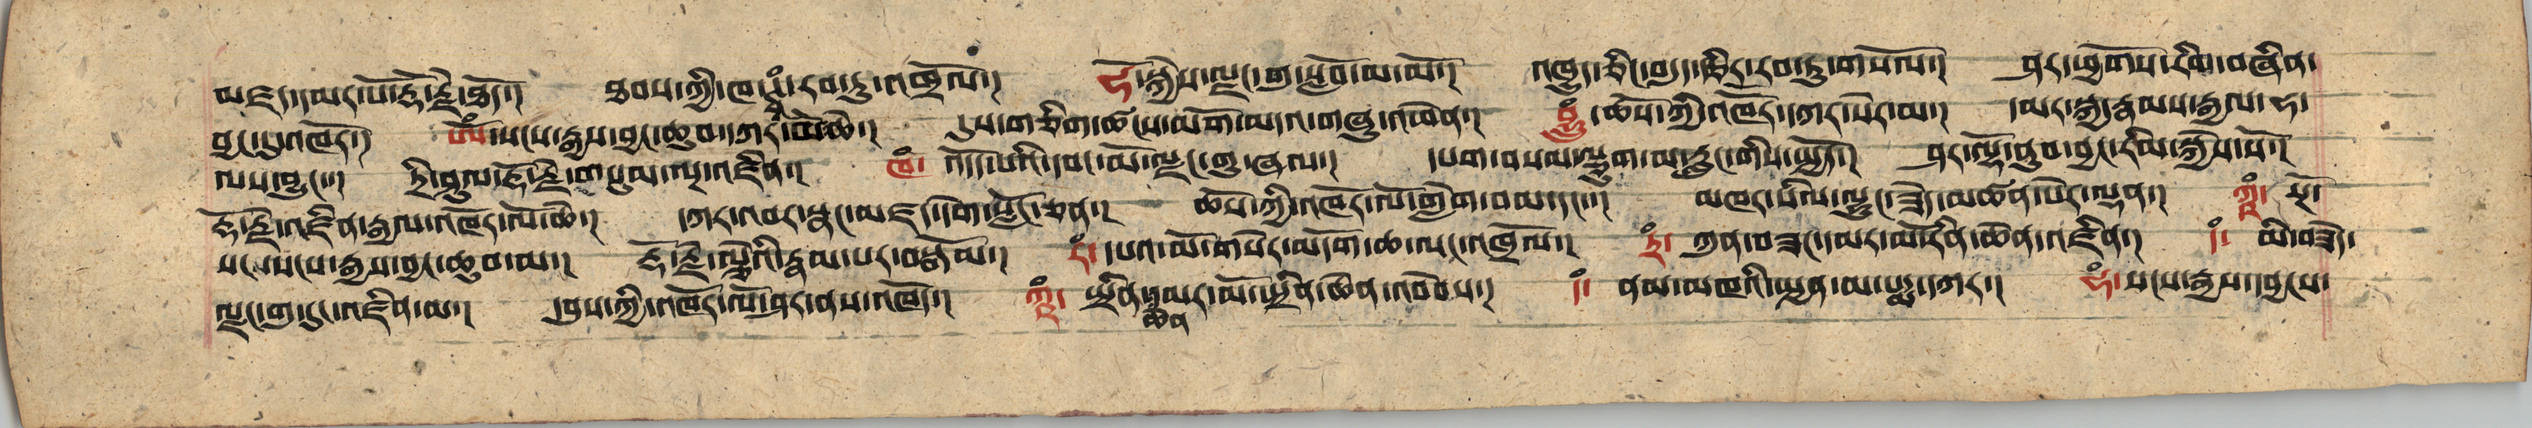མཛད་དམར་པོ་རྡོ་རྗེ་ཐོད་། ཐབས་ཀྱི་ཁ་ཊཱཾ་རབ་ཏུ་འཁྲོལ་། ཧོ་སྐྱེས་ལྗང་གུ་སློབ་མ་མོ་། འཁྱུད་ཅིང་བདུད་རྩིར་རབ་ཏུ་གསོལ་། ཤར་ཕྱོགས་རིག་བཞིན་
བྱང་དུ་འཁོར་། ཨོཾ་སངས་རྒྱས་བྱང་ཆུབ་དཀར་མོ་ཆེ་། དུས་གཅིག་ཚངས་མགོ་མདའ་གཞུ་འཕེན་། བྷྲུཾ་ཆོས་ཀྱི་འཁོར་དཀར་སེར་མ་། དམར་སྐྱ་རྣམས་རྒྱལ་ཧ་
ལས་བྱུང་་། ཏྲི་ཤུལ་རྡོ་རྗེ་གསུམ་་ལྔ་འཛིན་། ཁཾ༴ འདོད་པའི་དབང་མོ་ལྗང་གུ་ཞལ་། དཔག་བསམ་ལྕུག་མ་རླུང་གིས་སྤྱོད་། ཤར་ལྷོ་ནུབ་བྱང་རིམ་སྐྱེས་སོ་།
རྡོ་རྗཻ་འཛིན་རྒྱལ་འཁོར་ལོ་ཆེ་། དཀར་འབར་སྣང་མཛད་དགེ་སློང་ཅན་། ཆོས་ཀྱི་འཁོར་ལོ་གླེག་བམ་དང་་། མཁར་སིལ་ལྷུང་ཟེད་མཚན་པེར་ལྡན་། ཀྵཾ་ སྔོ་
སང་སངས་རྒྱས་བྱང་ཆུབ་མ་། རྡོ་རྗེ་ལྕེའི་རྣམ་པར་བསྒོམ་། རཾ་དཔའ་མོ་གསེར་མདོག་ཆ་ལང་འཁྲོལ་། ཏྲཾ་ ཀུན་བཟང་དམར་མོ་རིན་ཆེན་འཛིན་། དཾ་ མི་བཟེད་
ལྗང་གུ་དུང་འཛིན་མ་། དབུས་ཀྱི་འཁོར་ལོ་ཤར་ནས་འཁོད་། ཀྵཾ་ སྤྲིན་ཆེན་དམར་མོ་སྤྲིན་ཆེན་འབེབས་། དཾ་ ནམ་མཁའི་སྤྱན་མ་པདྨ་དཀར་། ཧཾ་སངས་རྒྱས་དབྱངས་